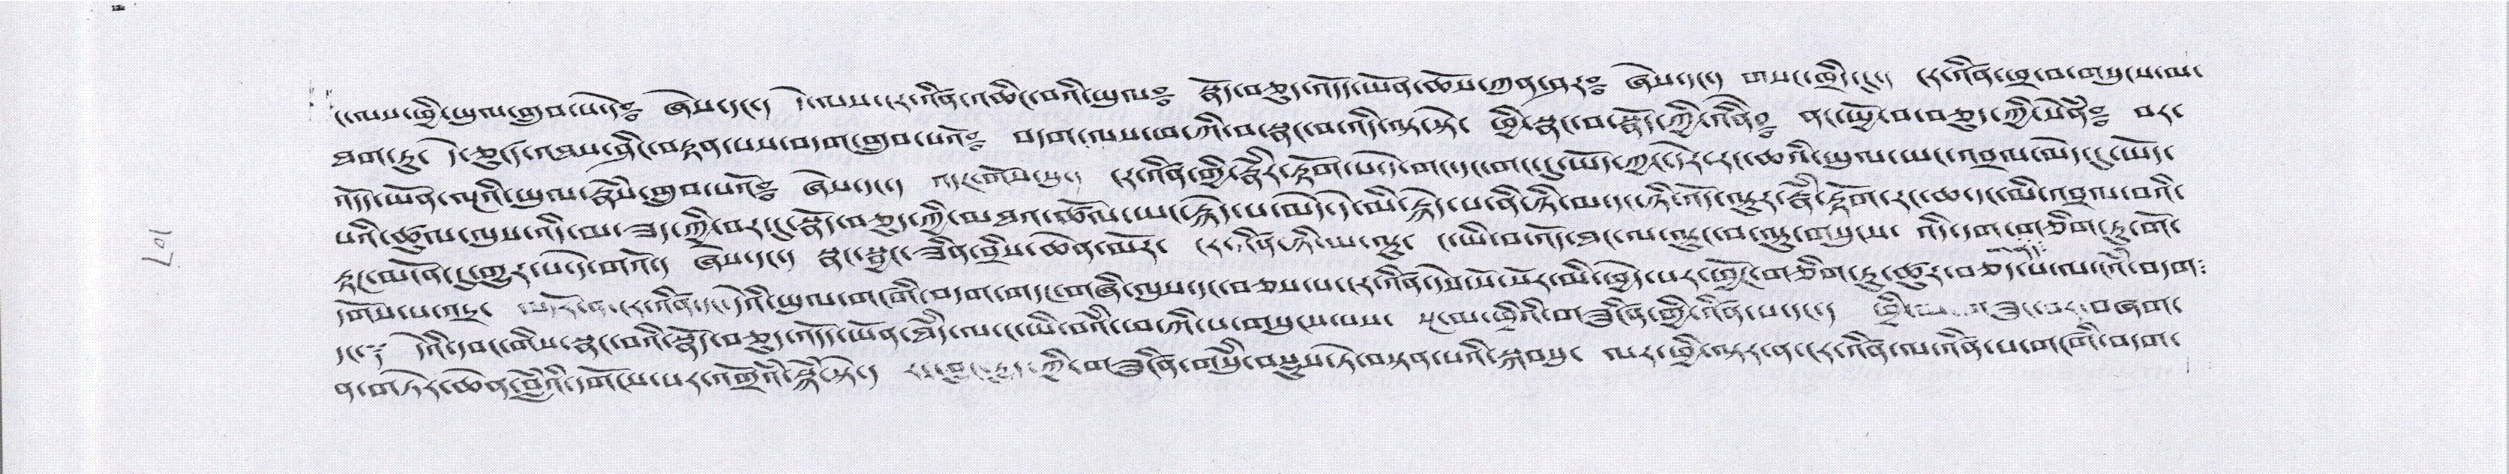ང་ལས་ཕྱི་ཡུལ་གྲུབ་པ་དེཿ ཞེས་དང་། དེ་ལས་ངར་འཛིན་འཆིང་བའི་ཡུལཿ སྣོད་བཅུད་འདོད་ཡོན་ཆོས་ཀུན་ཤརཿ ཞེས་དང་། གསང་ཁྲིད་དུ། ངར་འཛིན་ཕྲ་བ་གསུངས་མ་
ཐག་ཏུ། དེ་ཅུང་ཟད་འཐས་ཤིང་བརྟས་པས་བདག་གྲུབ་པའོ། བདག་ལས་ཕ་ཀི་བ་སྣང་བ་འདི་ལྟ་སྟེ། ཕྱི་སྣང་བ་སྣོད་ཀྱི་འཇིག་རྟེན། ནང་གཡོ་བ་བཅུད་ཀྱི་སེམས་ཅན། བར་
འདོད་ཡོན་ལྔ་ཡི་ཡུལ་རྣམས་གྲུབ་པའོ། ཞེས་དང་། འདགས་གོས་སུ། ངར་འཛིན་གྱི་རྣམ་པར་རྟོག་པ་དེ་གང་དང་གང་དུ་དེར་རང་ཆའི་ཡུལ་ཡང་འབྲལ་མེད་དུ་ཡོད་
པའི་ཚུལ་ལུས་འདི་མ་ཟད་ཀྱི་བར་དུ་སྣོད་བཅུད་ཀྱི་མཐའ་ཚོལ་ཡང་རྙེད་པ་མེད་དེ་མི་རྙེད་པ་ནི་ཉི་མ་དང་ཉི་འོད་ལྟ་བུར་རྣམ་རྟོག་རང་ཆ་དང་མི་འབྲལ་བའི་
རྟགས་མངོན་དུ་གྱུར་པ་དེ་གའོ། ཞེས་དང་། སྣང་སྦྱང་ཟིན་བྲིས་ཆེན་མོར། ངར་འཛིན་ཉི་མ་ལྟ་བུ། ང་ཡི་བ་འོད་ཐང་ལ་ལྷུང་བ་ལྟ་བུ་གསུངས། འདི་དག་གནད་གཅིག་ཏུ་གོ་
དགོས་པ་འདྲ། མདོར་ན་ངར་འཛིན་དང་དེའི་ཡུལ་གང་ཟག་གི་བདག་གདགས་གཞི་ལུས་དང་བཅས་པ་ངར་འཛིན་དེས་སོ་སོར་མི་ཕྱེད་པ་ཕྱོགས་གཅིག་ཏུ་ཚུར་བཅད་པ་ལ་ངའམ་བདག་
དང་། དེའི་དབང་གིས་སྣང་བའི་སྣོད་བཅུད་འདོད་ཡོན་ཐམས་ཅད་ལ་ང་ཡི་བའམ་ཕ་ཀི་བ་གསུངས་པས། སྔ་མ་ཕྱིའི་གཟུང་འཛིན་གྱི་འཛིན་པ་དང་། ཕྱི་མ་གཟུང་བར་བཞག་
ན་གཏེར་ཆེན་བླ་མའི་དགོངས་པར་འགྲོའམ་སྙམ་སྟེ། རང་བྱུང་རྒྱུད་ཀྱི་གཟུང་འཛིན་གསུམ་བསྡུས་ཏེ་བསྟན་པའི་སྐབས་སུ། ལར་ཕྱི་ལྟར་ན་ངར་འཛིན་ལ་འཛིན་པ་གང་ཟག་གི་བདག་